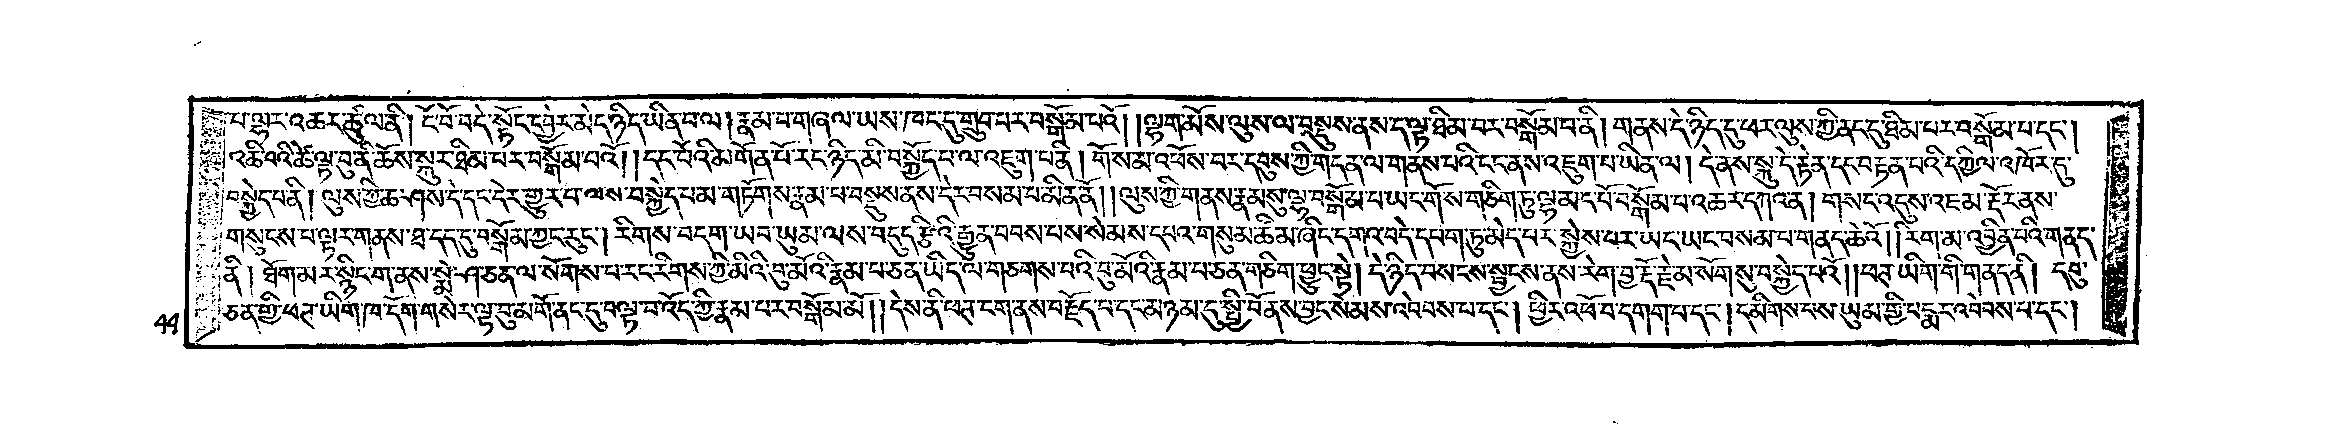པ་ལྷར་འཆར་ཚུལ་ནི། ངོ་བོ་བདེ་སྟོང་དབྱེར་མེད་ཉིད་ཡིན་པ་ལ། རྣམ་པ་གཞལ་ཡས་ཁང་དུ་གྲུབ་པར་བསྒོམ་པའོ། །ལྷག་མོས་ལུས་ལ་བསྡུས་ནས་ད་ལྟ་ཐིམ་པར་བསྒོམ་པ་ནི། གནས་དེ་ཉིད་དུ་ཕར་ལུས་ཀྱི་ནང་དུ་ཐིམ་པར་བསྒོམ་པ་དང་།
འཆི་བའི་ཚེ་ལྟ་བུ་ནི་ཆོས་སྐུར་ཐིམ་པར་བསྒོམ་པའོ། །དང་པོའི་མགོན་པོ་རང་ཉིད་མི་བསྐྱོད་པ་ལ་འཇུག་པ་ནི། གོ་ས་མ་འཕོས་པར་དབུས་ཀྱི་གདན་ལ་གནས་པའི་ངང་ནས་འཇུག་པ་ཡིན་ལ། དེ་ནས་སྐུ་དེ་རྟེན་དང་བརྟན་པའི་དཀྱིལ་འཁོར་དུ་
བསྐྱེད་པ་ནི། ལུས་ཀྱི་ཆ་ཤས་དེ་དང་དེར་གྱུར་པ་ལས་བསྐྱེད་པ་མ་གཏོགས་རྣམ་པ་བསྡུས་ནས་དེར་བསམ་པ་མིན་ནོ། །ལུས་ཀྱི་གནས་རྣམས་སུ་ལྷ་བསྒོམ་ལྤ་ཡང་གོས་གཅིག་ཏུ་ལྷམ་མང་པོ་བསྒོམ་པ་འཆང་དཀའ་ན། གསང་འདུས་འཇམ་རྡོར་ནས་
གསུངས་པ་ལྟར་གནས་ཐ་དད་དུ་བསྒོམ་ཀྱང་རུང་། རིགས་བདག་ཡབ་ཡུམ་ལས་བདུད་རྩིའི་རྒྱུན་བབས་པས་སེམས་དཔའ་གསུམ་ཚིམ་ཞིང་དགའ་བདེ་དཔག་ཏུ་མེད་པར་སྐྱེས་པར་ཡང་ཡང་བསམ་པ་གནད་ཆེའོ། །རིག་མ་འབྱིན་པའི་གནད་
ནི། ཐོག་མར་སྙིང་ག་ནས་སྨེ་ཤ་ཅན་ལ་སོགས་པ་རང་རིགས་ཀྱི་མིའི་བུ་མོའི་རྣམ་པ་ཅན་ཡིད་ལ་གཅགས་པའི་བུ་མོའི་རྣམ་པ་ཅན་གཅིག་ཕྱུང་སྟེ། དེ་ཉིད་བསངས་སྦྱངས་ནས་རེག་བྱ་རྡོ་རྗེ་མ་སོགས་སུ་བསྐྱེད་པའོ། །ཕཊ་ཡིག་གི་གནད་ནི། དབུ་
ཅན་གྱི་ཕཊ་ཡིག་ཁ་དོག་གསེར་ལྟ་བུ་མགོ་ནང་དུ་བལྟ་བ་འོད་ཀྱི་རྣམ་པར་བསྒོམ་མོ། །དེས་ནི་ཕཊ་ངག་ནས་བརྗོད་པ་དང་མཉམ་དུ་སྤྱི་བོ་ནས་བྱང་སེམས་འབེབས་པ་དང་། ཕྱིར་འཕོ་བ་དགག་པ་དང་། དམིགས་པས་ཡུམ་གྱི་པད་མར་འབེབས་པ་དང་།